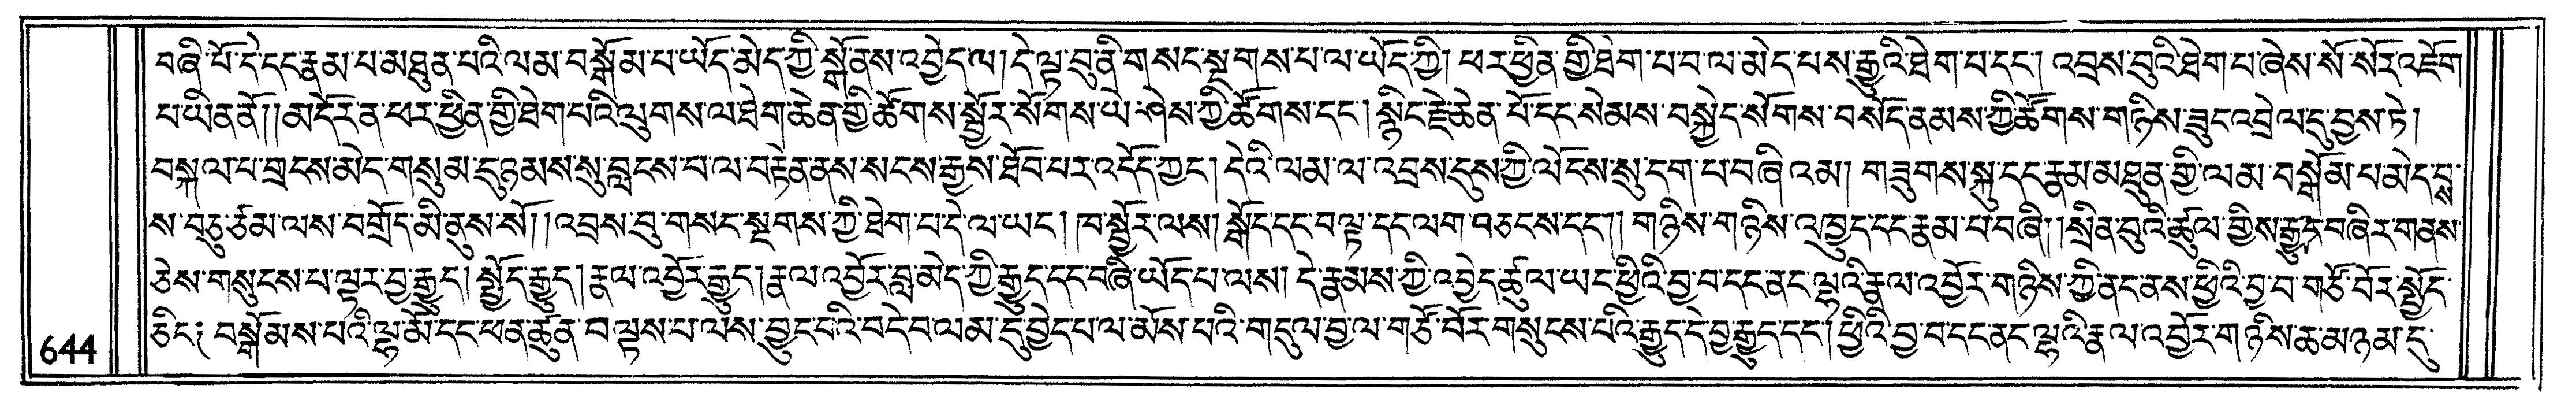བཞི་པོ་དེ་དང་རྣམ་པ་མཐུན་པའི་ལམ་བསྒོམ་པ་ཡོད་མེད་ཀྱི་སྒོ་ནས་འབྱེད་ལ། དེ་ལྟ་བུ་ནི་གསང་སྔགས་པ་ལ་ཡོད་ཀྱི། ཕར་ཕྱིན་གྱི་ཐེག་པ་བ་ལ་མེད་པས་རྒྱུའི་ཐེག་པ་དང་། འབྲས་བུའི་ཐེག་པ་ཞེས་སོ་སོར་འཇོག་
པ་ཡིན་ནོ། །མདོར་ན་ཕར་ཕྱིན་གྱི་ཐེག་པའི་ལུགས་ལ་ཐེག་ཆེན་གྱི་ཚོགས་སྦྱོར་སོགས་ཡེ་ཤེས་ཀྱི་ཚོགས་དང་། སྙིང་རྗེ་ཆེན་པོ་དང་སེམས་བསྐྱེད་སོགས་བསོད་ནམས་ཀྱི་ཚོགས་གཉིས་ཟུང་འབྲེལ་དུ་བྱས་ཏེ།
བསྐལ་པ་གྲངས་མེད་གསུམ་དུ་ཉམས་སུ་བླངས་པ་ལ་བརྟེན་ནས་སངས་རྒྱས་ཐོབ་པར་འདོད་ཀྱང་། དེའི་ལམ་ལ་འབྲས་དུས་ཀྱི་ལོངས་སུ་དག་པ་བཞིའམ། གཟུགས་སྐུ་དང་རྣམ་མཐུན་གྱི་ལམ་བསྒོམ་པ་མེད་པས་
ས་བཅུ་ཙམ་ལས་བགྲོད་མི་ནུས་སོ། །འབྲས་བུ་གསང་སྔགས་ཀྱི་ཐེག་པ་དེ་ལ་ཡང་། ཁ་སྦྱོར་ལས། སྒོད་དང་བལྟ་དང་ལག་བཅངས་དང་། །གཉིས་གཉིས་འཁྱུད་དང་རྣམ་པ་བཞི། །སྲིན་བུའི་ཚུལ་གྱིས་རྒྱུད་བཞིར་གནས་
ཅེས་གསུངས་པ་ལྟར་བྱ་རྒྱུད། སྤྱོད་རྒྱུད། རྣལ་འབྱོར་རྒྱུད། རྣལ་འབྱོར་བླ་མེད་ཀྱི་རྒྱུད་དང་བཞི་ཡོད་པ་ལས། དེ་རྣམས་ཀྱི་འབྱེད་ཚུལ་ཡང་ཕྱིའི་བྱ་བ་དང་ནང་ལྷའི་རྣལ་འབྱོར་གཉིས་ཀྱི་ནང་ནས་ཕྱིའི་བྱ་བ་གཙོ་བོར་སྤྱོད་
ཅིང་། བསྒོམས་པའི་ལྷ་མོ་དང་ཕན་ཚུན་བལྟས་པ་ལས་བྱུང་པའི་བདེ་བ་ལམ་དུ་བྱེད་པ་ལ་མོས་པའི་གདུལ་བྱ་ལ་གཙོ་བོར་གསུངས་པའི་རྒྱུད་དེ་བྱ་རྒྱུད་དང་། ཕྱིའི་བྱ་བ་དང་ནང་ལྷའི་རྣལ་འབྱོར་གཉིས་ཆ་མཉམ་དུ་